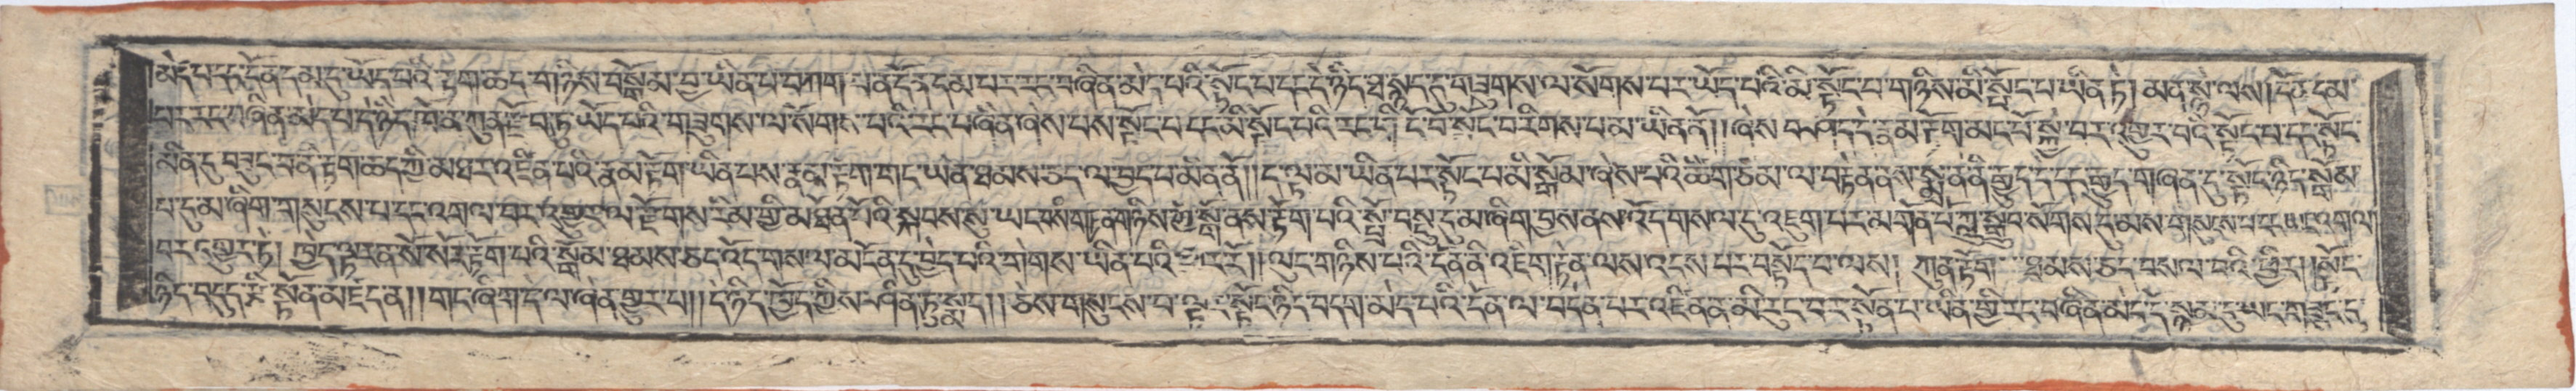མེད་པ་དང་དོན་དམ་དུ་ཡོད་པའི་རྟག་ཆད་གཉིས་བསྒོམ་བྱ་ཡིན་པ་བཀག་པ་ན་དོན་དམ་པར་རང་བཞིན་མེད་པའི་སྟོང་པ་དང་དེ་ཉིད་ཐ་སྙད་དུ་གཟུགས་ལ་སོགས་པར་ཡོད་པའི་མི་སྟོང་པ་གཉིས་མི་སྤོང་པ་ཡིན་ཏེ། མན་སྙེ་ལས། དོན་དམ་
པར་རང་བཞིན་མེད་པ་དེ་ཉིད་ཁོ་ན་ཀུན་རྫོབ་ཏུ་ཡོད་པའི་གཟུགས་ལ་སོགས་པའི་རང་བཞིན་ཞེས་པས་སྟོང་པ་དང་མི་སྟོང་པའི་རང་གི་ངོ་བོ་སྤོང་བ་རིགས་པ་མ་ཡིན་ནོ། །ཞེས་བཤད་དེ་རྣམ་རྟོག་མང་པོ་སྐྱེ་བར་འགྱུར་བའི་སྟོང་པ་དང་སྟོང་
མིན་དུ་བཟུང་བ་ནི་རྟག་ཆད་ཀྱི་མཐར་འཛིན་པའི་རྣམ་རྟོག་ཡིན་པས་རྣམ་རྟོག་གང་ཡིན་ཐམས་ཅད་ལ་བྱེད་པ་མིན་ནོ། །དེ་ལྟ་མ་ཡིན་པར་སྟོང་པ་མི་སྒོམ་ཞེས་པའི་ཚིག་ཙམ་ལ་བརྟེན་ནས་སྨྲ་ན་ནི་རྒྱུད་དེ་དང་རྒྱུད་གཞན་དུ་སྟོང་ཉིད་སྒོམ་
པ་དུ་མ་ཞིག་གསུངས་པ་དང་འགལ་བར་འགྱུར་ལ་རྫོགས་རིམ་གྱི་མཐོན་པོའི་སྐབས་སུ་ཡང་བསམ་གཏན་གཉིས་ཀྱི་སྒོ་ནས་རྟོག་པའི་སྤྲོ་བསྡུ་དུ་མ་ཞིག་བྱས་ནས་འོད་གསལ་དུ་འཇུག་པར་མགོན་པོ་ཀླུ་སྒྲུབ་སོགས་དུ་མས་གསུངས་པ་དང་ཡང་འགལ་
བར་འགྱུར་ཏེ། ཁྱེད་ལྟར་ན་སོ་སོར་རྟོག་པའི་སྒོམ་ཐམས་ཅད་འོད་གསལ་མངོན་དུ་བྱེད་པའི་གེགས་ཡིན་པའི་ཕྱིར་རོ། །ལུང་གཉིས་པའི་དོན་ནི་འཇིག་རྟེན་ལས་འདས་པར་བསྟོད་པ་ལས། ཀུན་རྟོག་ཐམས་ཅད་བསལ་བའི་ཕྱིར། །སྟོང་
ཉིད་བདུད་རྩི་སྟོན་མཛད་ན། །གང་ཞིག་དེ་ལ་ཞེན་གྱུར་པ། །དེ་ཉིད་ཁྱོད་ཀྱིས་ཤིན་ཏུ་སྨད། །ཅེས་གསུངས་པ་ལྟར་སྟོང་ཉིད་བདག་མེད་པའི་དོན་ལ་བདེན་པར་འཛིན་ན་མི་རུང་བར་སྟོན་པ་ཡིན་གྱི་རང་བཞིན་མེད་དོ་སྙམ་དུ་ཡང་གཟུང་དུ་